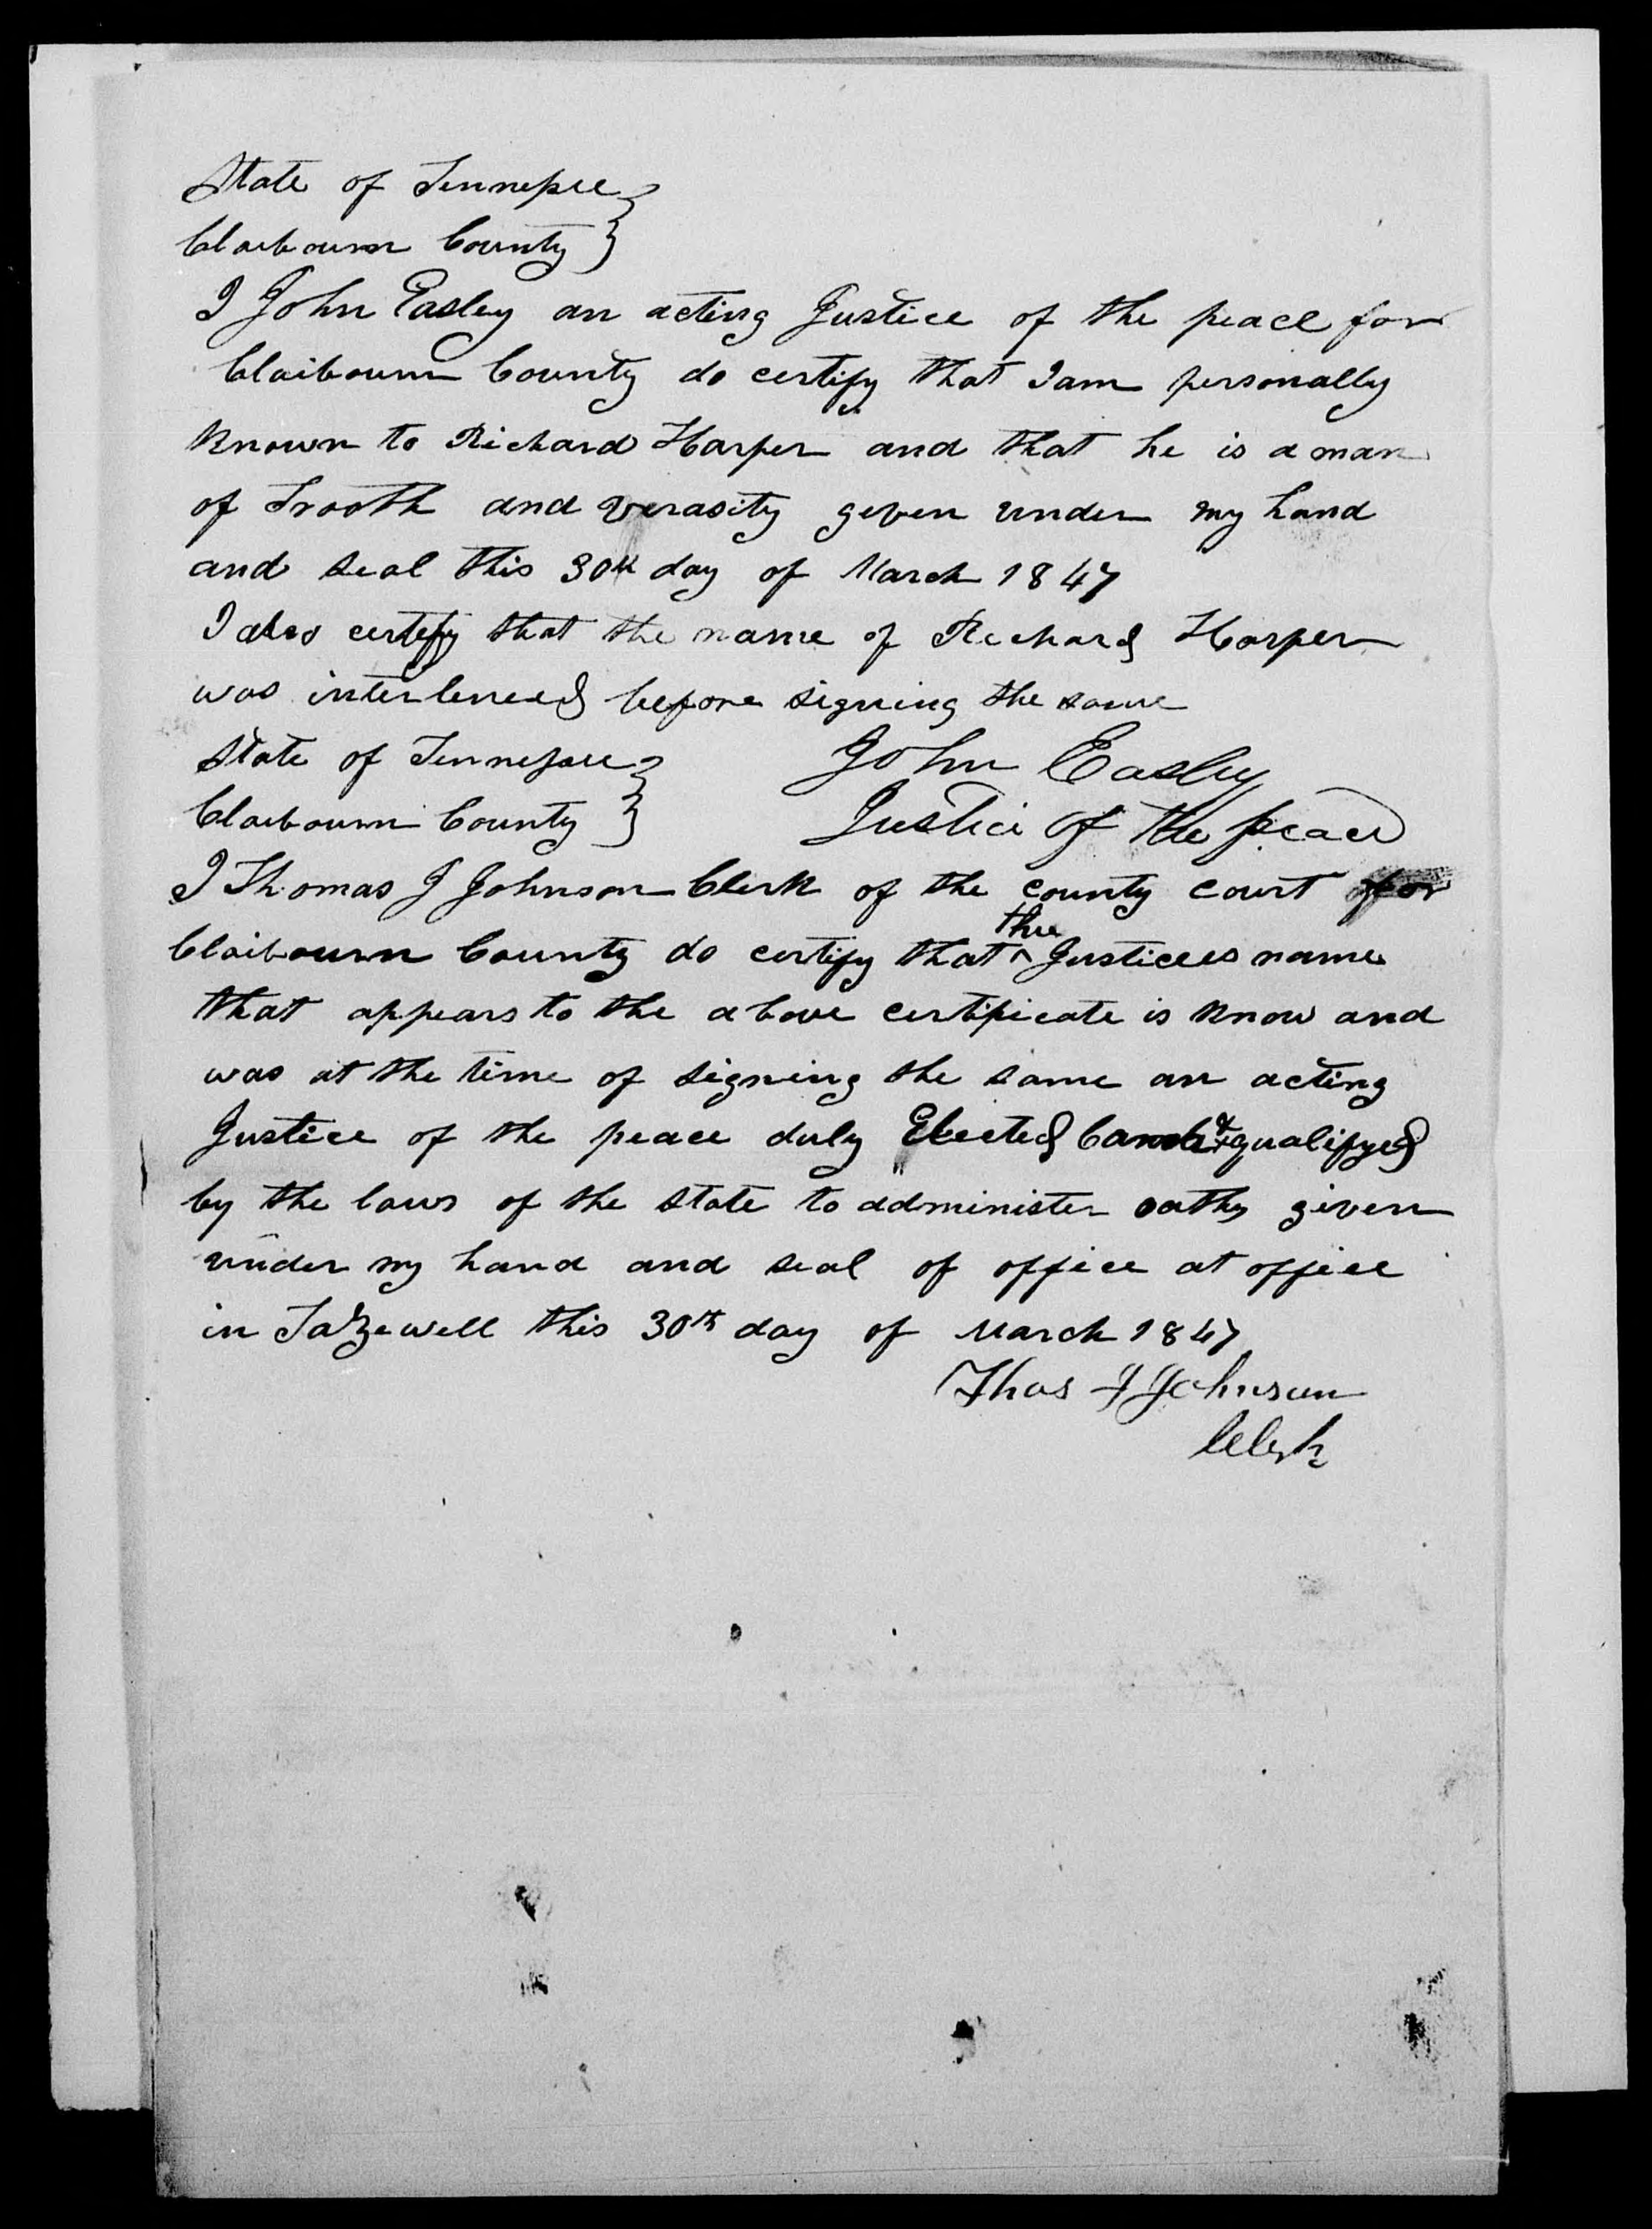State of Tennessee
Claibourne County 
I John Easley an acting Justice of the peace for
Claibourne County do certify that I am personally known to Richard Harper and that he is a man of Trouth and verasity given under my hand and seal this 30th day of March 1847
I also certify that the name of Richard Harper
was interlined before signing the same
John Easly
Justice of the peace
State of Tennessee
Claibourn County
I Thomas J Johnson Clerk of the County Court of Claibourn County do certify that Justices name that appears to the above certificate is know and was at the time of signing the same an acting Justice of the peace duly Elected and 
 qualifyed by the laws of the State to administer oaths given under my hand and seal of office at office
in Tazewell this 30th day of March 1847
Thos F Johnson
Clerk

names: John Easley, John Easley, Richard Harper, Thos J Johnson, Thomas J Johnson, Richard Harper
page: 62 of 81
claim: survivor's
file: S. 1908, Richard Harper, N.C.